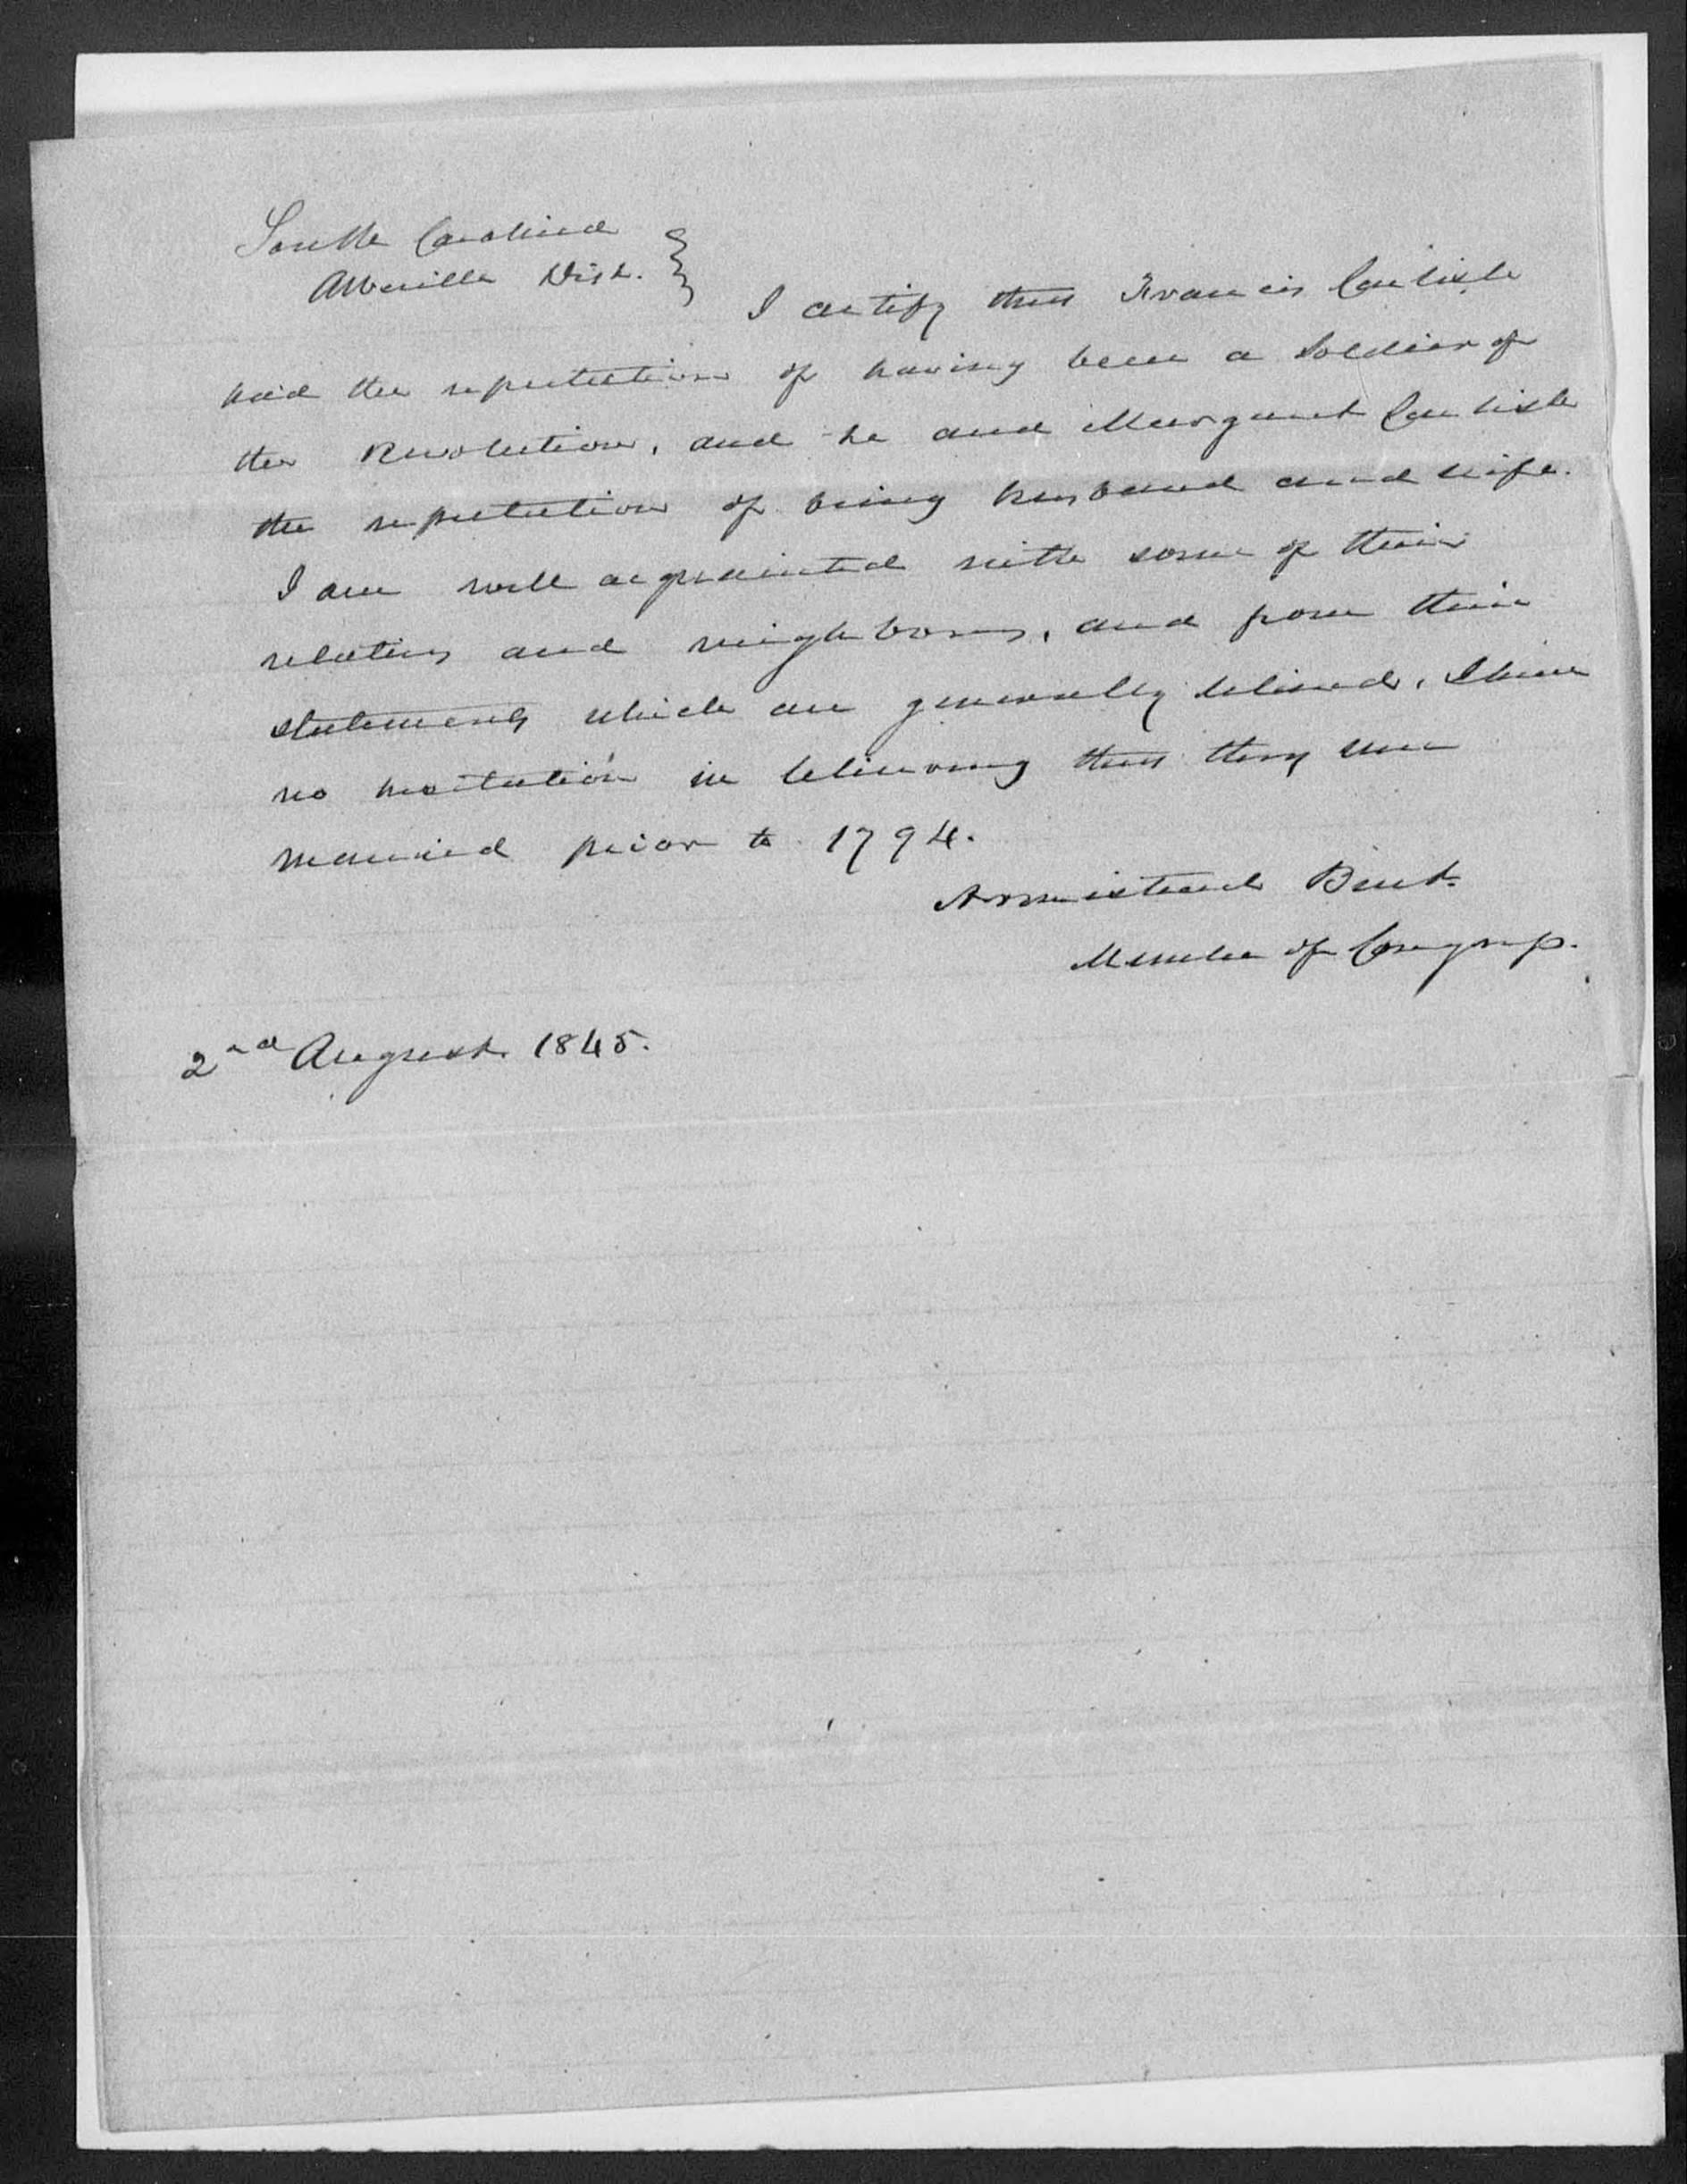[ South Carolina Abbeville Dist. ] I certify that Francis Carlisle had the reputation of having been a  soldier of the Revolution, and he and Margaret  Carlisle    the reputation of being  husband and wife. I am well acquainted with some of their relatives and neighbors   , and from their statements which are generally  believed, I  have no hesitation in believing  that they were married prior to 1794. Armistead Burt. ( signed ) Member of Congress 2nd August 1845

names: Francis Carlisle, Margaret Carlisle, Armistead Burt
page: 59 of 91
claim: widow's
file: W. 10576, Francis Carlisle, S.C.